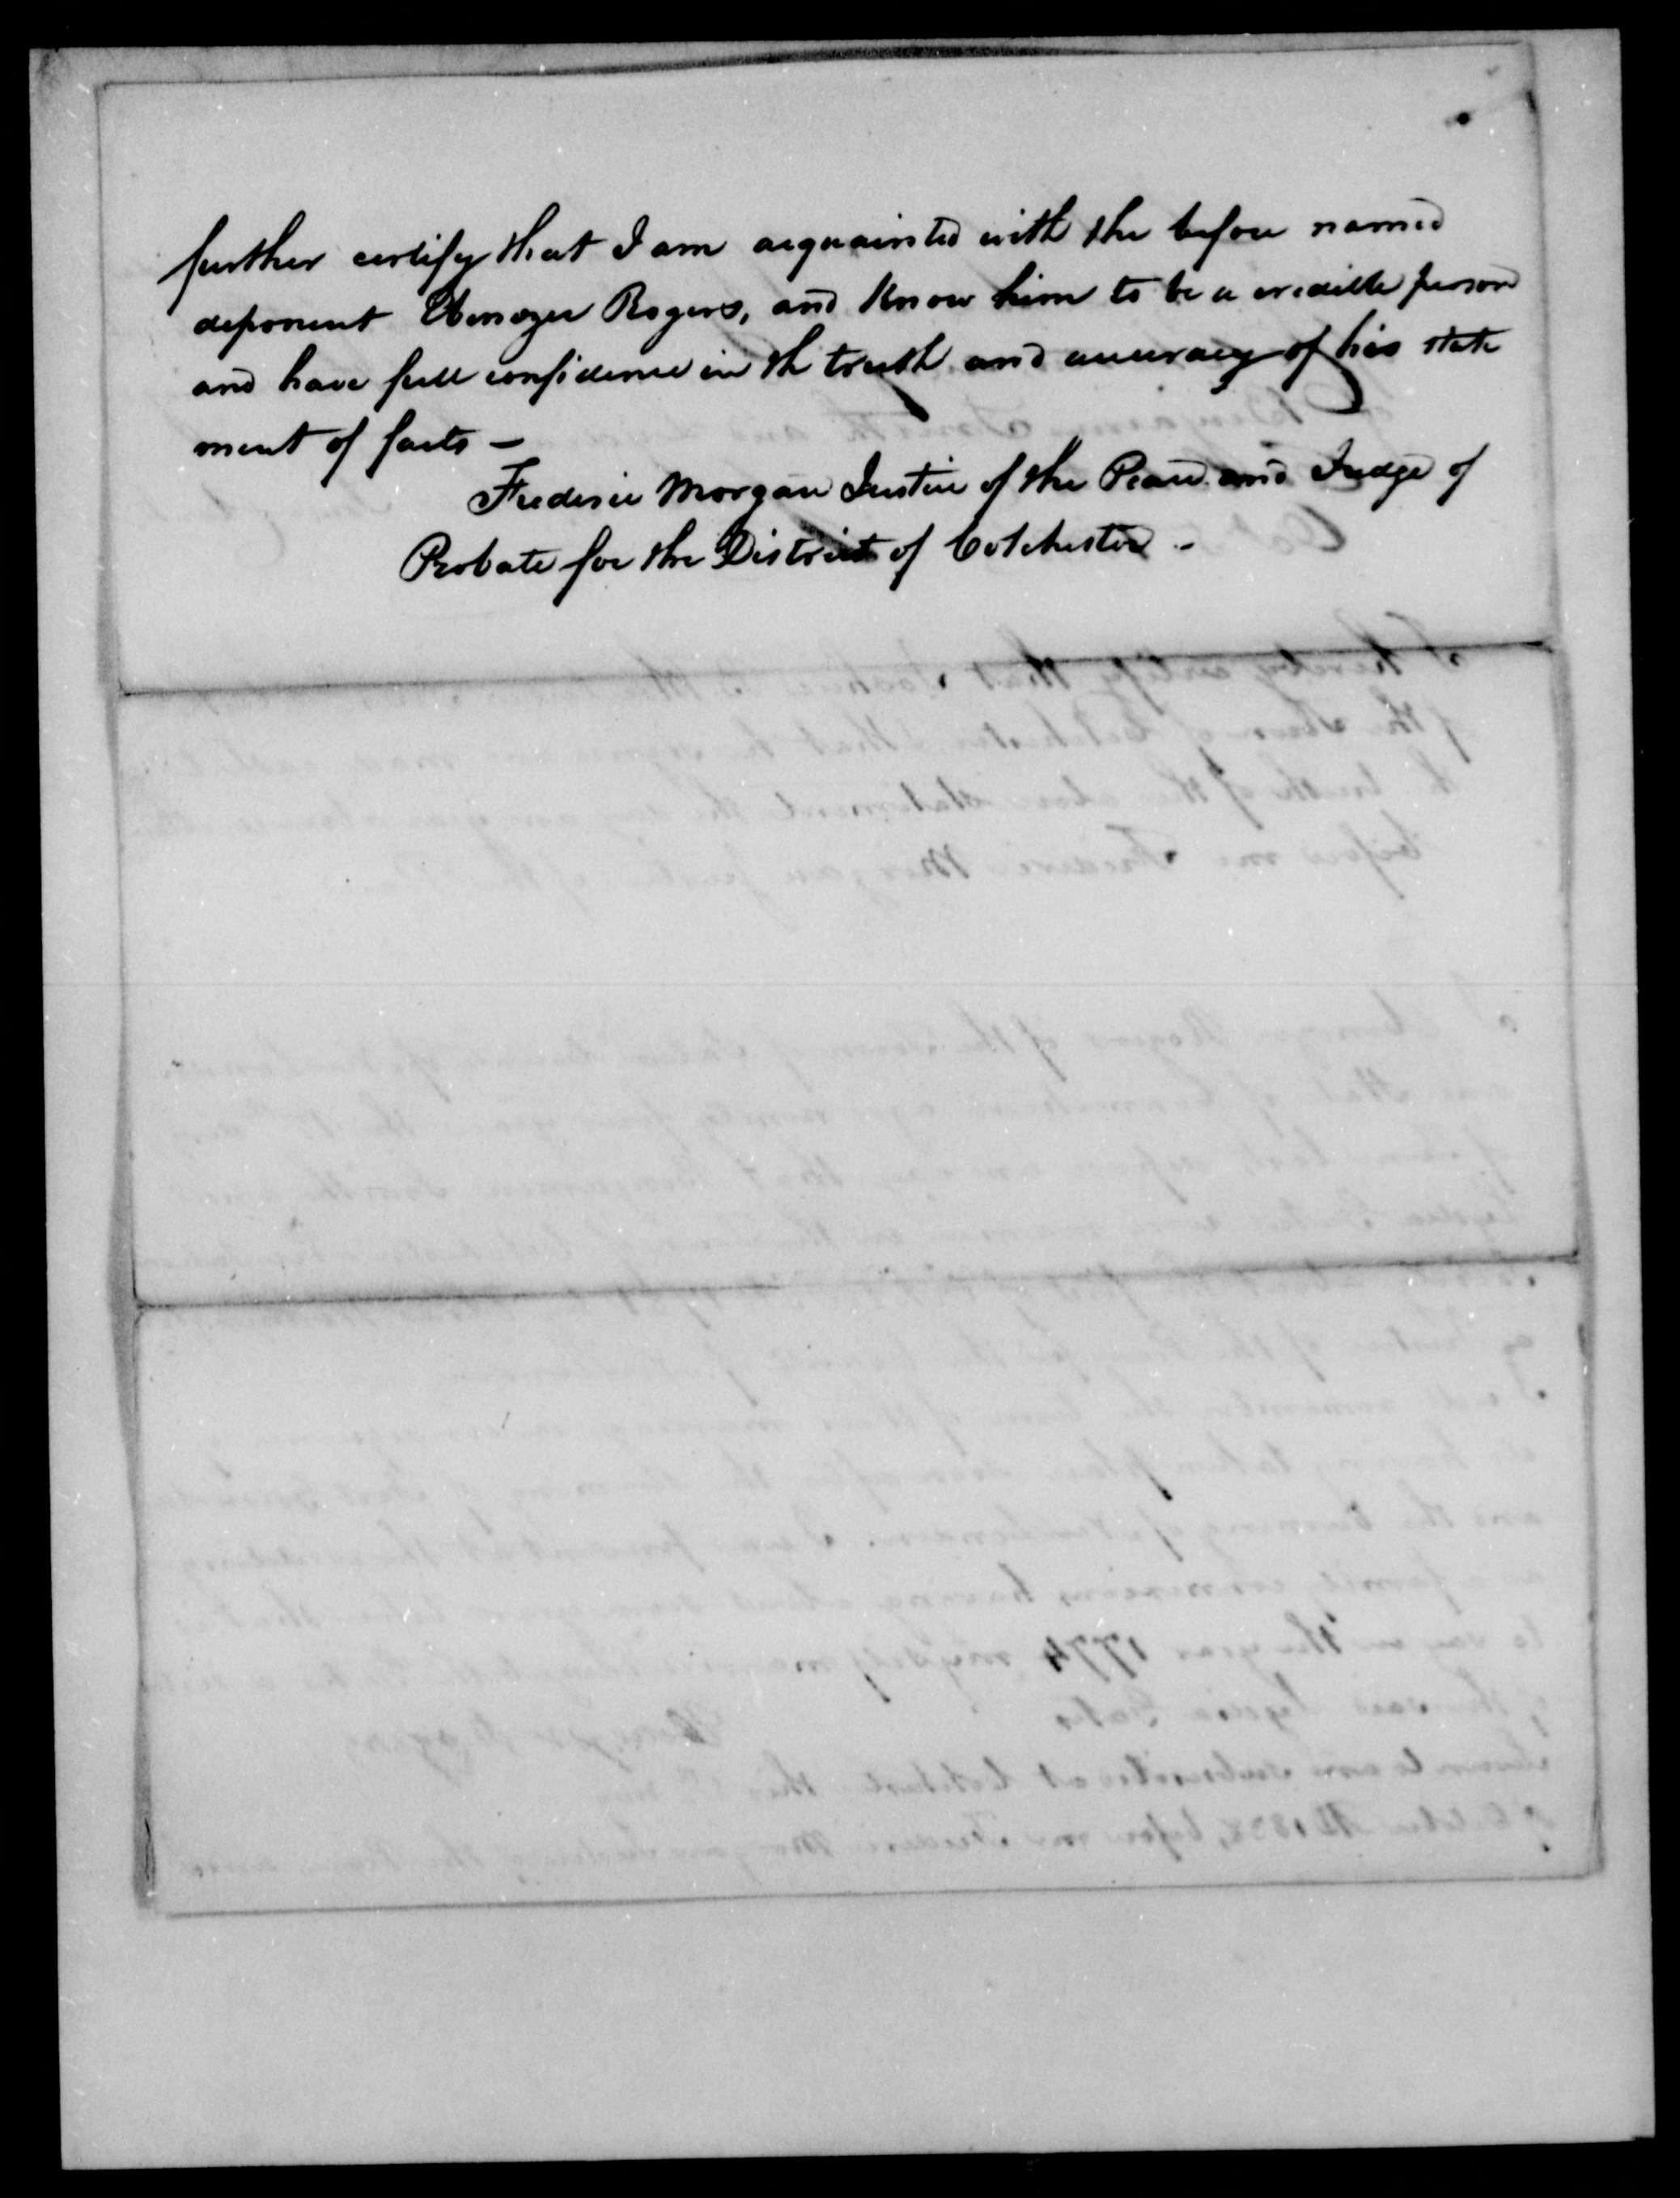further certify that I am acquainted with the before named
deponent Ebenezer Rogers, and know him to be a credible person and have full confidence in the truth and accuracy of his statement of facts --
Frederic Morgan Justice of the Peace and Judge of Probate for the District of Colchester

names: Frederic Morgan; Ebenezer Rogers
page: 5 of 19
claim: rejected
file: R 9792, for Benjamin Smith, Connecticut